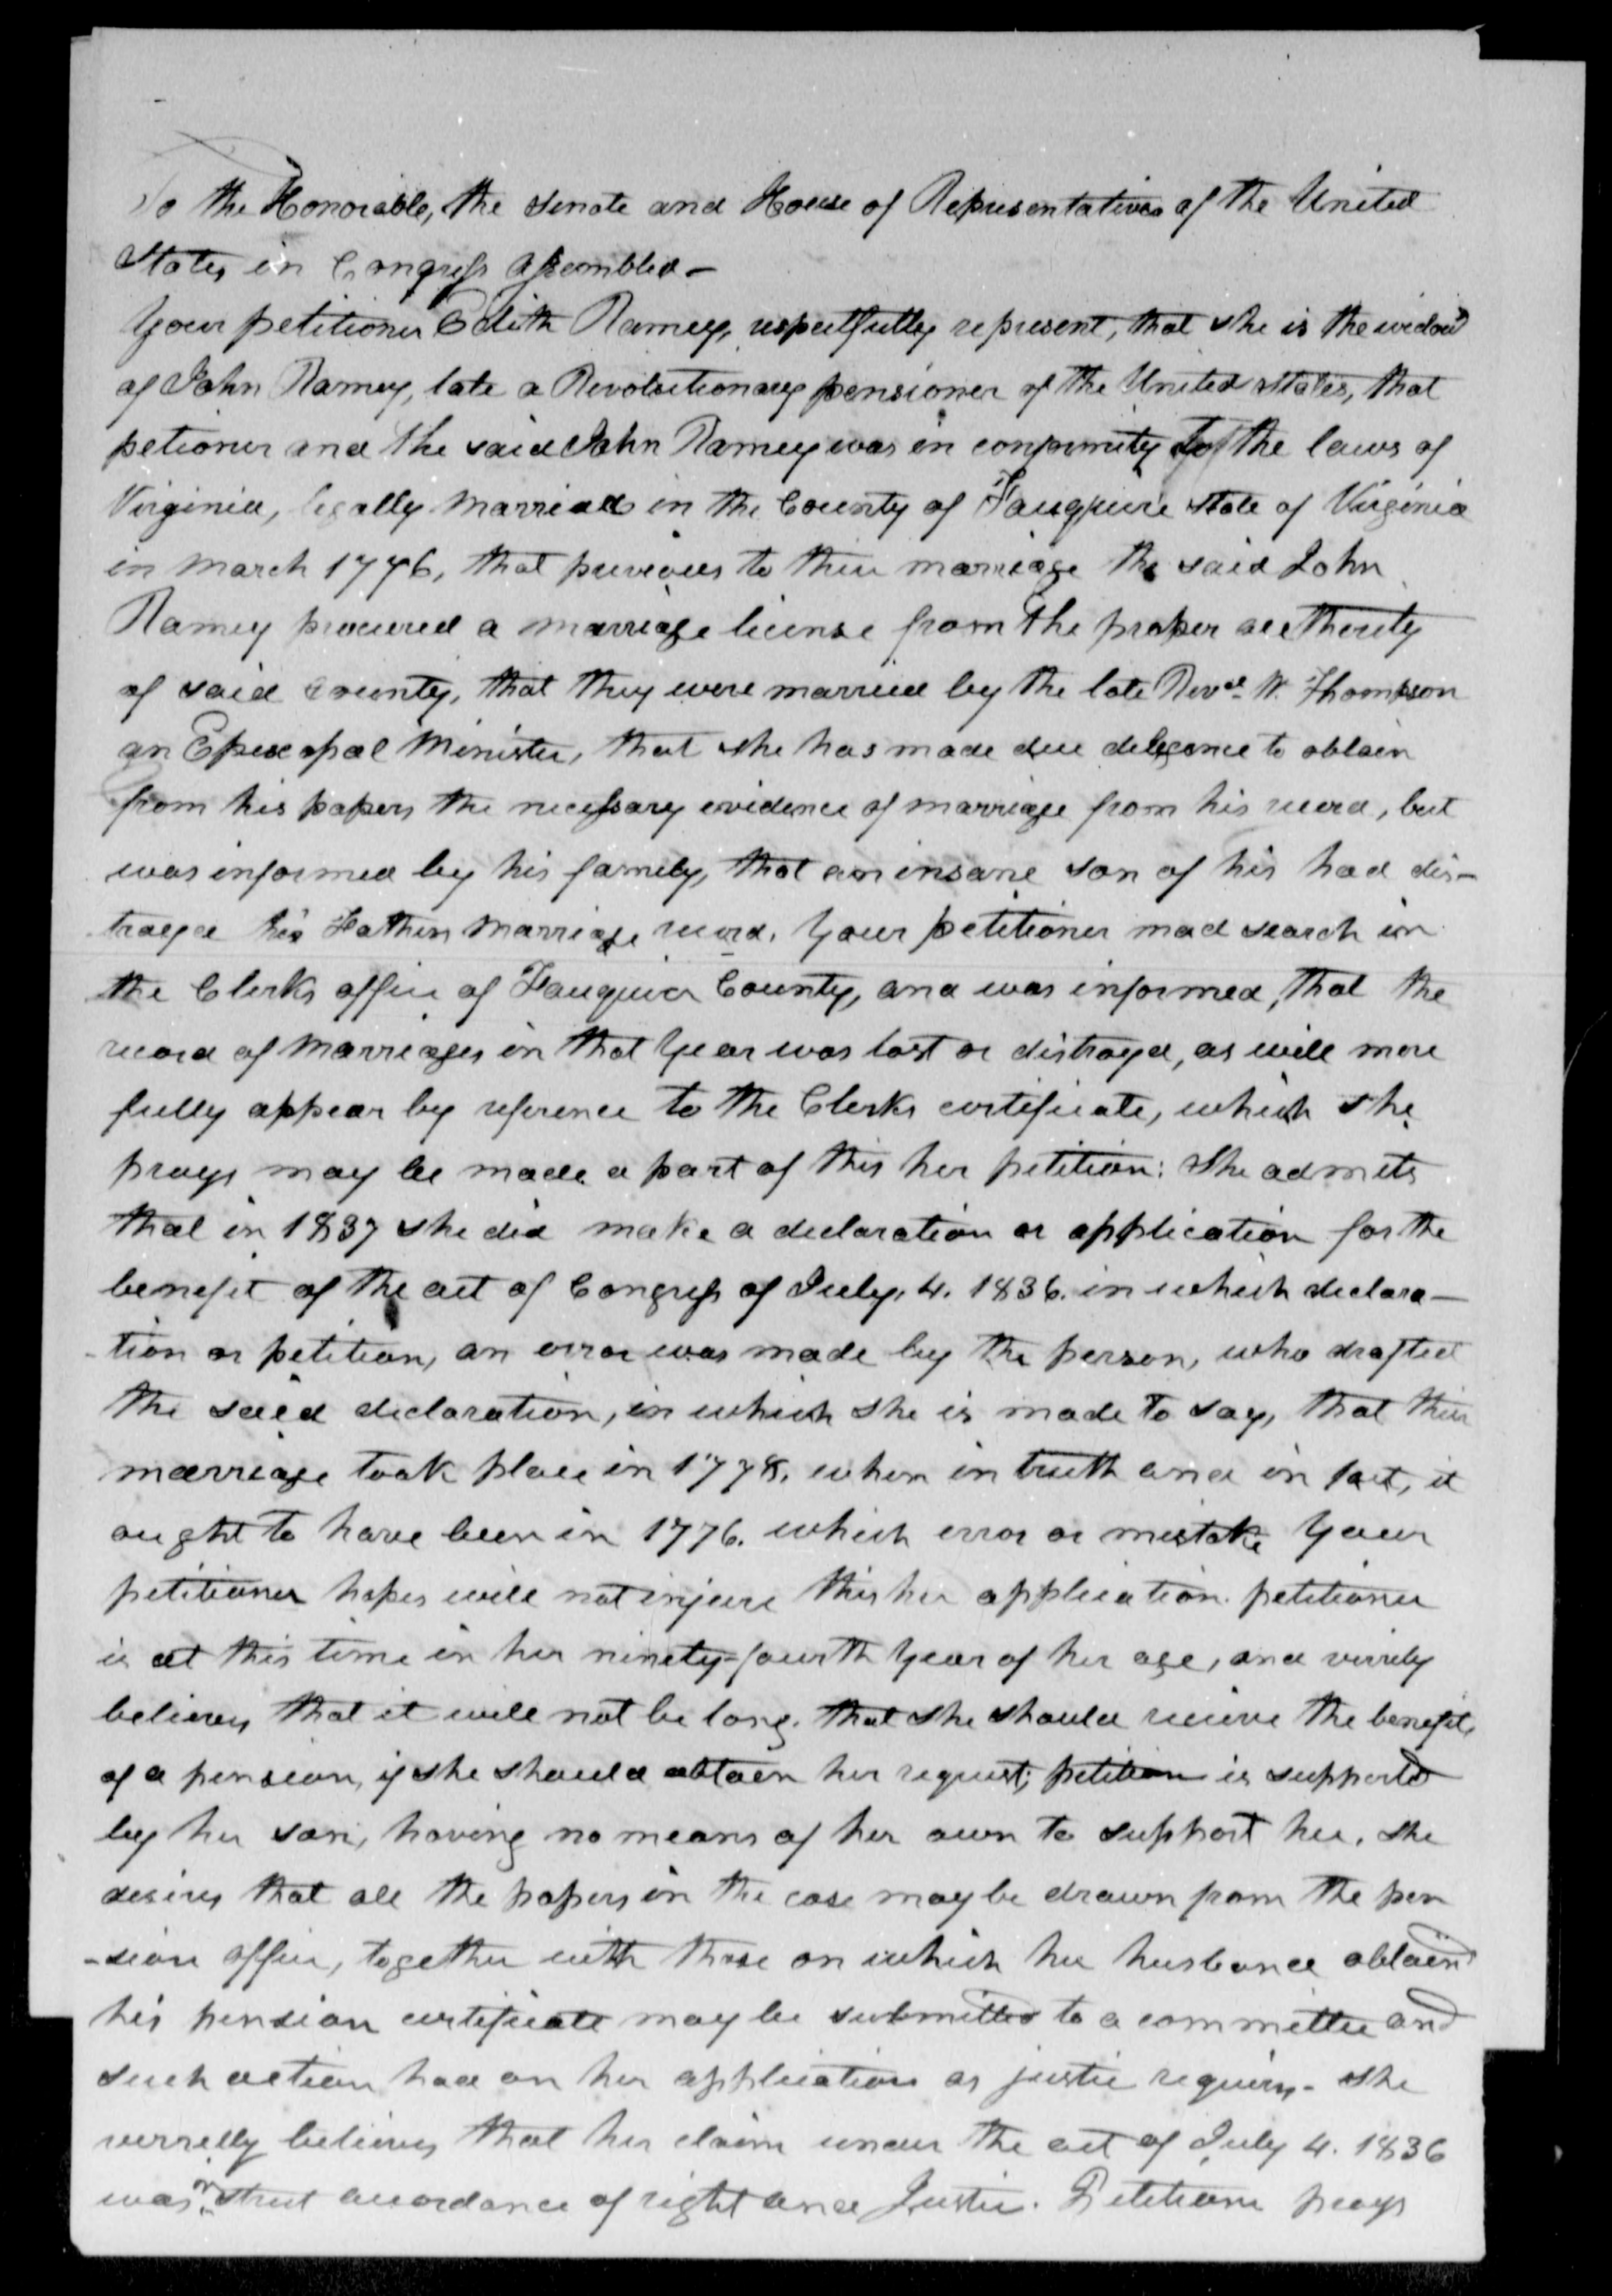To the Honorable, the Senate and House of Representatives of the United States in Congress Assembled-
Your petitioner Edith Ramey, respectfully represent, that she is the widow of John Ramey, late a Revolutionary pensioner of the United States, that petioner and the said John Ramey was in conformity to the laws of Virginia, legally married in the County of Fauquier State of Virginia in March 1776, that previous to their marriage the said John Ramey procured a marriage license from the proper authority of said County, that they were married by the late Revd. W. Thompson an Episcopal Minister, that she has made due diligence to obtain from his papers the necessary evidence of marriage from his record, but was informed by his family, that an insane son of his had destroyed his Fathers Marriage record, Your petitioner made search in the Clerks office of Fauquier County, and was informed that the record of marriages in that Year was lost or distroyed, as will more fully appear by reference to the Clerks certificate, which she prays may be made a part of her petition: She admits that in 1837 she did make a declaration or application for the benefit of the act of Congress of July 4, 1836, in which declaration or petition, an error was made by the person who drafted the said declaration, in which she is made to say, that their marriage took place in 1778, when in truth and in fact, it ought to have been in 1776, which error or mistake your petitioner hopes will not injure this her application petitioner is at this time in her ninety-fourth year of her age, and verily believes that it will not be long, that she should receive the benefit of a pension, if she should obtain her request; petitioner is supported by her son, having no means of her own to support her, She desires that all the papers in the case may be drawn from the pension office, together with those on which her husband obtained his pension certificate may be submitted to a committee and such action had on her application as justice requires. She verrily believes that her claim under the act of July 4, 1836 was in strict accordance of right and Justice. Petitioner prays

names: W Thompson; John Ramey; Edith Ramey; John Ramey; John Ramey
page: 81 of 84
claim: widow's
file: W.11104, for John Remay, Virginia